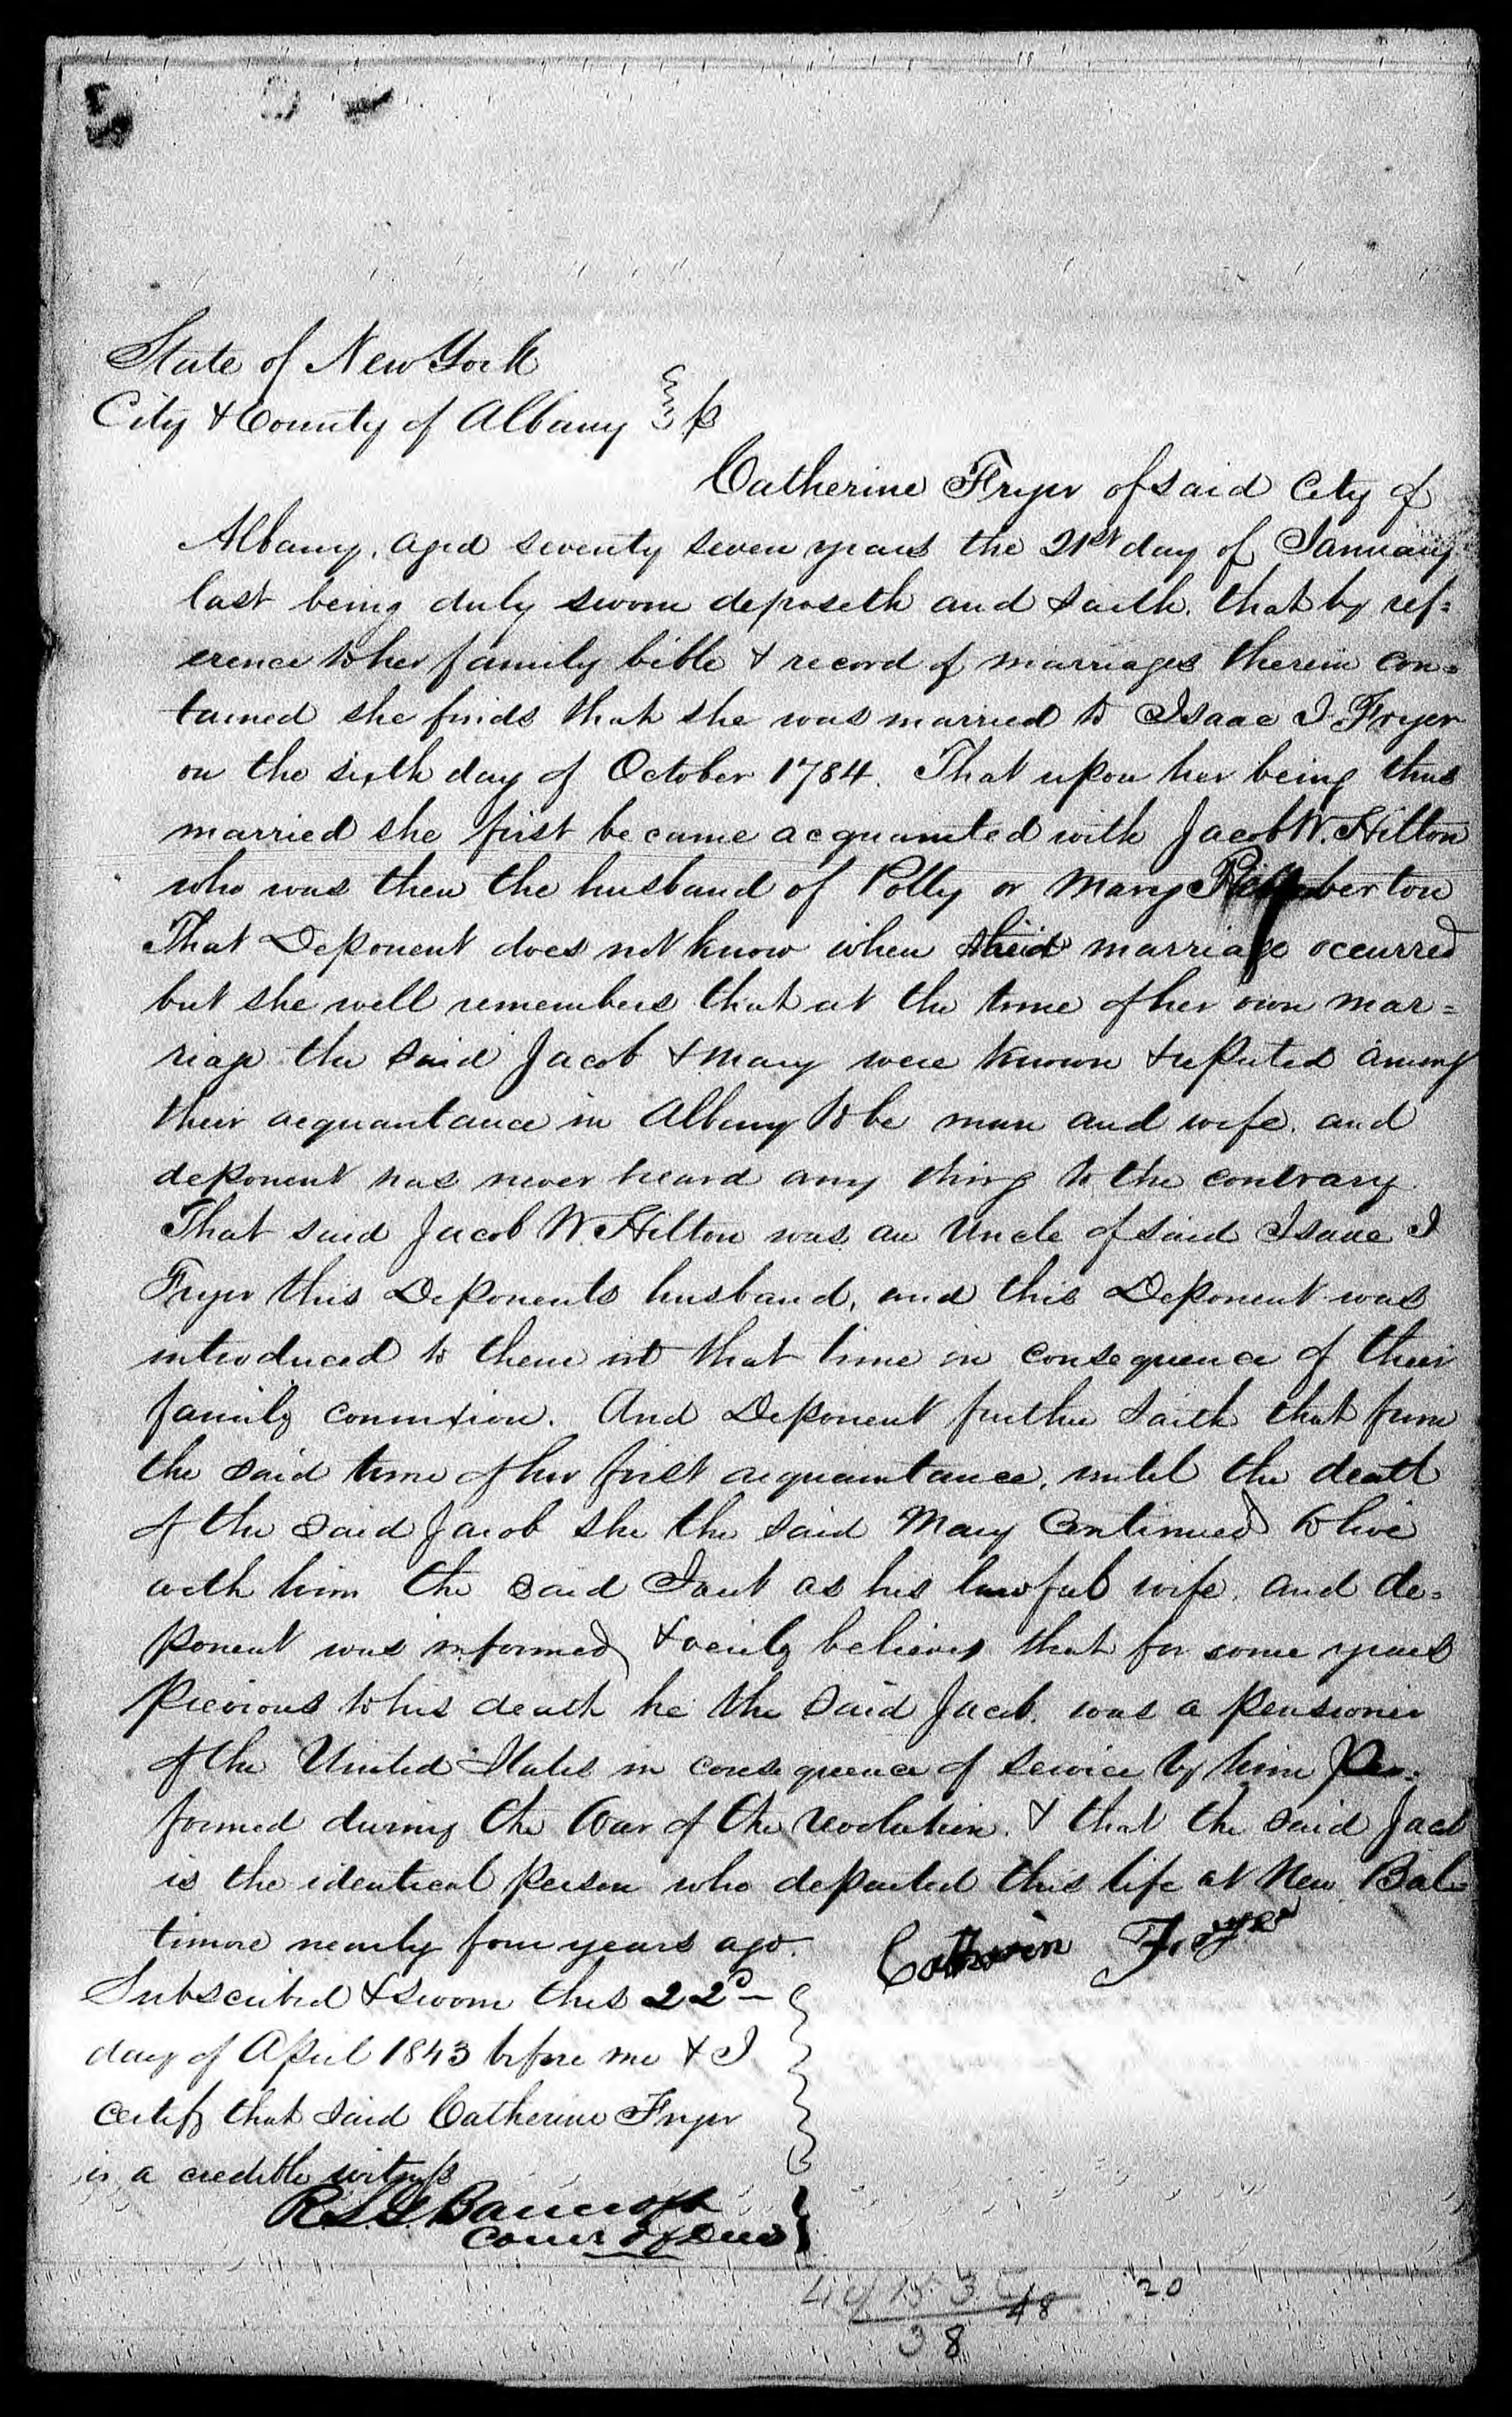State of New York
City & County of Albany 

Catherine Fryer of said City of Albany, aged seventy seven years the 21st day of January last being duly sworn deposeth and saith, that by reference is her family bible and record of marriages therein contained she finds that she was married to Isaac J. Fryer on the sixth day of October 1784. That upon her being thus married she first became acquainted with Jacob W. Hilton who was then the husband of Polly or Mary Pamberton.
That Deponent does not know where the marriage occurred but she well remembers that at the time of her own marriage the said Jacob and Mary were known and reputed among their acquaintance in Albany as be man and wife and Deponent has never heard any thing in the contrary. That said Jacob W. Hilton was an Uncle of said Isaac J. Fryer this Deponent's husband, and this Deponent was introduced as there at that time in consequence of their family connection. And Deponent further saith that from the said time of her first acquaintance, until the death of the said Jacob she the said Mary continued to live with him the said Jacob as his lawful wife and Deponent was informed family believes that for some years previous to his death he the said Jacob was a Pensioner of the United States in consequence of Service by him formed during the War of the Revolution and that the said Jacob is the identical Person who departed this life of New Baltimore nearly four years ago. 

Catherine Fryer [signature]

[Note] Subscribed and sworn this 22nd day of April 1843 before me and I certify that said Catherine Fryer is a credible witness. 
R.S.G. Bancroft Court of Deeds [signature]

[Bottom Margin Scribble] 401 15 3 C 38 48 20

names: Mary, Jacob, Mary Pamberton, Jacob, Mary, Isaac J Fryer, Polly Pamberton, Jacob, Catherine Fryer, Jacob, Jacob, Catherine Fryer, Catherin Fryer, R S G Bancroft, Isaac J Fryer, Jacob W Hilton, Jacob W Hilton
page: 46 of 48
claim: widow's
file: W. 19788, Jacob W Hilton, New York